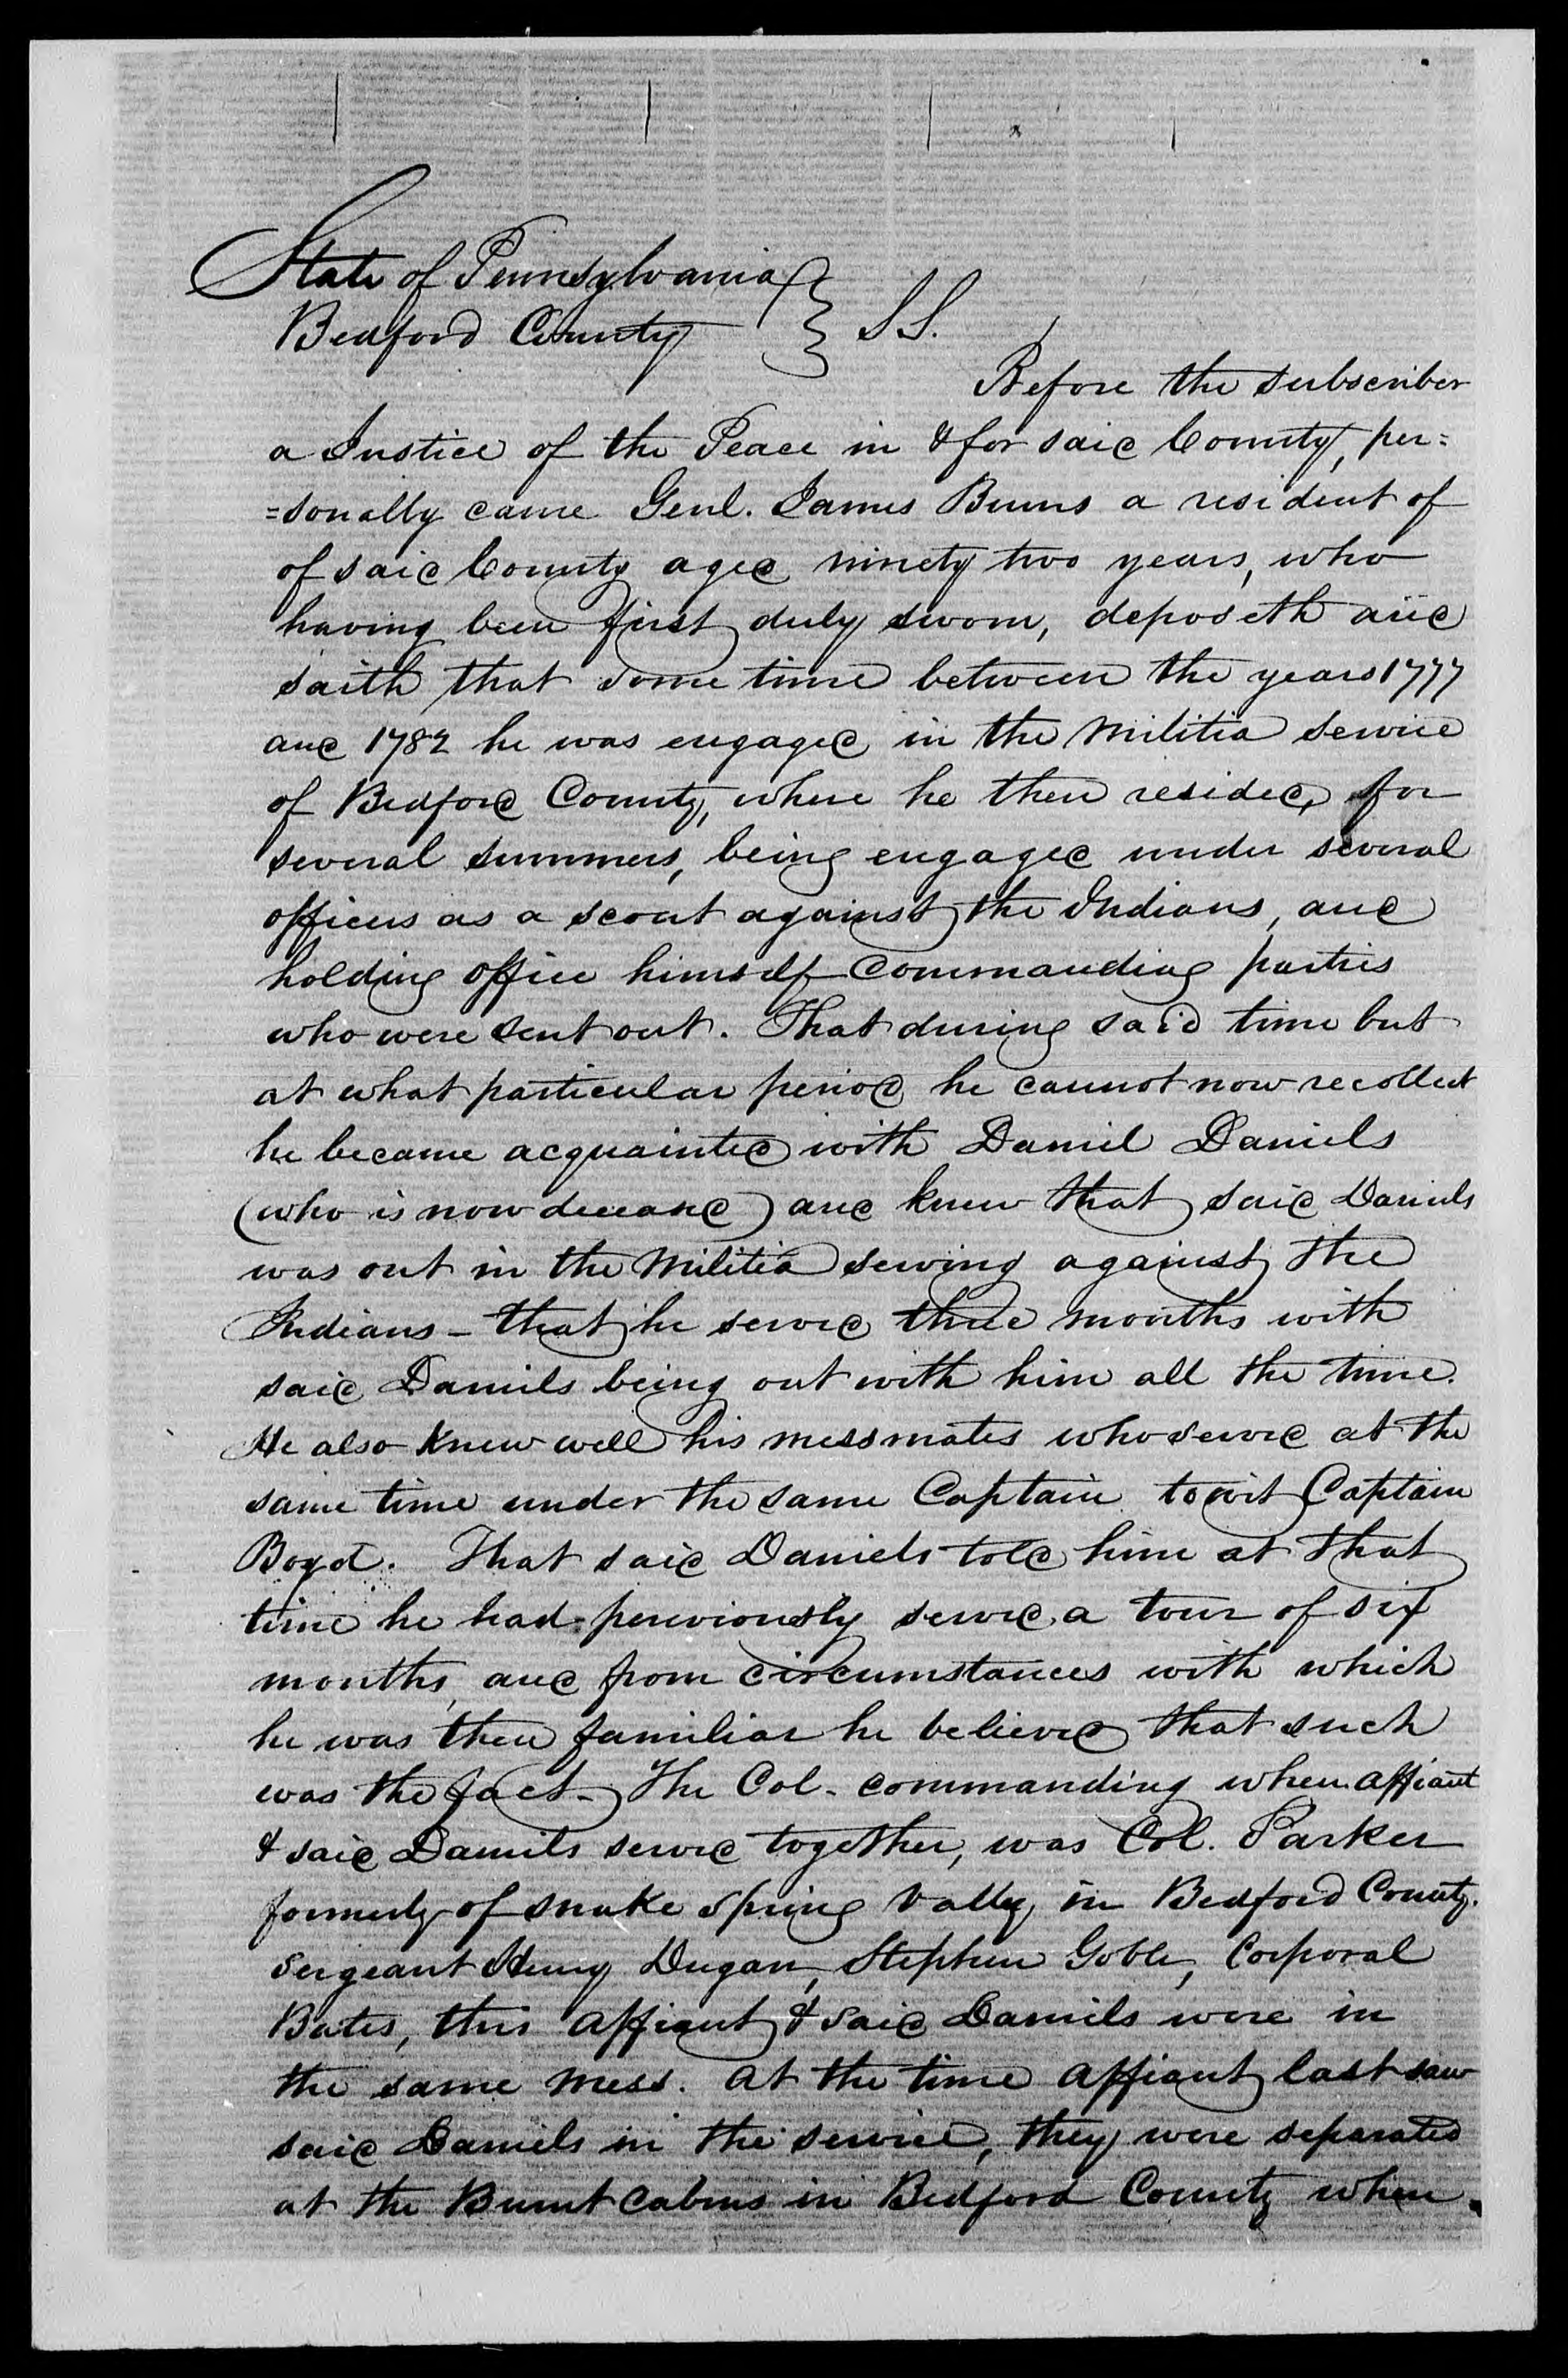State of Pennsylvania
Bedford County SS.
Before the Subscriber
a Justice of the Peace in & for said County personally
came Genl. James Burns a resident of
of said County aged ninety two years, who
having been first duly sworn, deposeth and
saith that some time between the year 1777
and 1782 he was engaged in the militia service
of Bedford County, where he then resided for
several summers, being engaged under several
officers as a scout against the Indians, and
holding office himself commanding parties
who were sent out. That during said time but
at what particular period he cannot now recollect
he became acquainted with Daniel Daniels
(who is now deceased) and knew that said Daniels
was out in the Militia serving against the
Indians. that he served three months with
said Daniels being out with him all the time.
He also knew well his messmates who served at the
same time under the same Captain to wit Captain
Boyd. That said Daniels told him at that
time he had previously served a tour of six
months, and from circumstances with which
he was then familiar he believe that such
was the fact. The Col. commanding when affiant
& said Daniels served together, was Col. Parker
formerly of Snake Spring Valley in Bedford County.
Sergeant Henry Dugan, Stephen Goble, Corporal
Bates, this affiant & said Daniels were in
the same mess. at the time affiant last saw
said Daniels in the service, they were separated
at the Burnt Cabins in Bedford County where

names: Daniels, Bates, Henry Dugan, James Burns, Daniels, Daniel Daniels, Daniels, Parker, Daniels, Boyd, Stephen Goble, Daniels, Daniels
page: 17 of 35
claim: rejected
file: R. 2,650, Daniel Daniels, Penn.